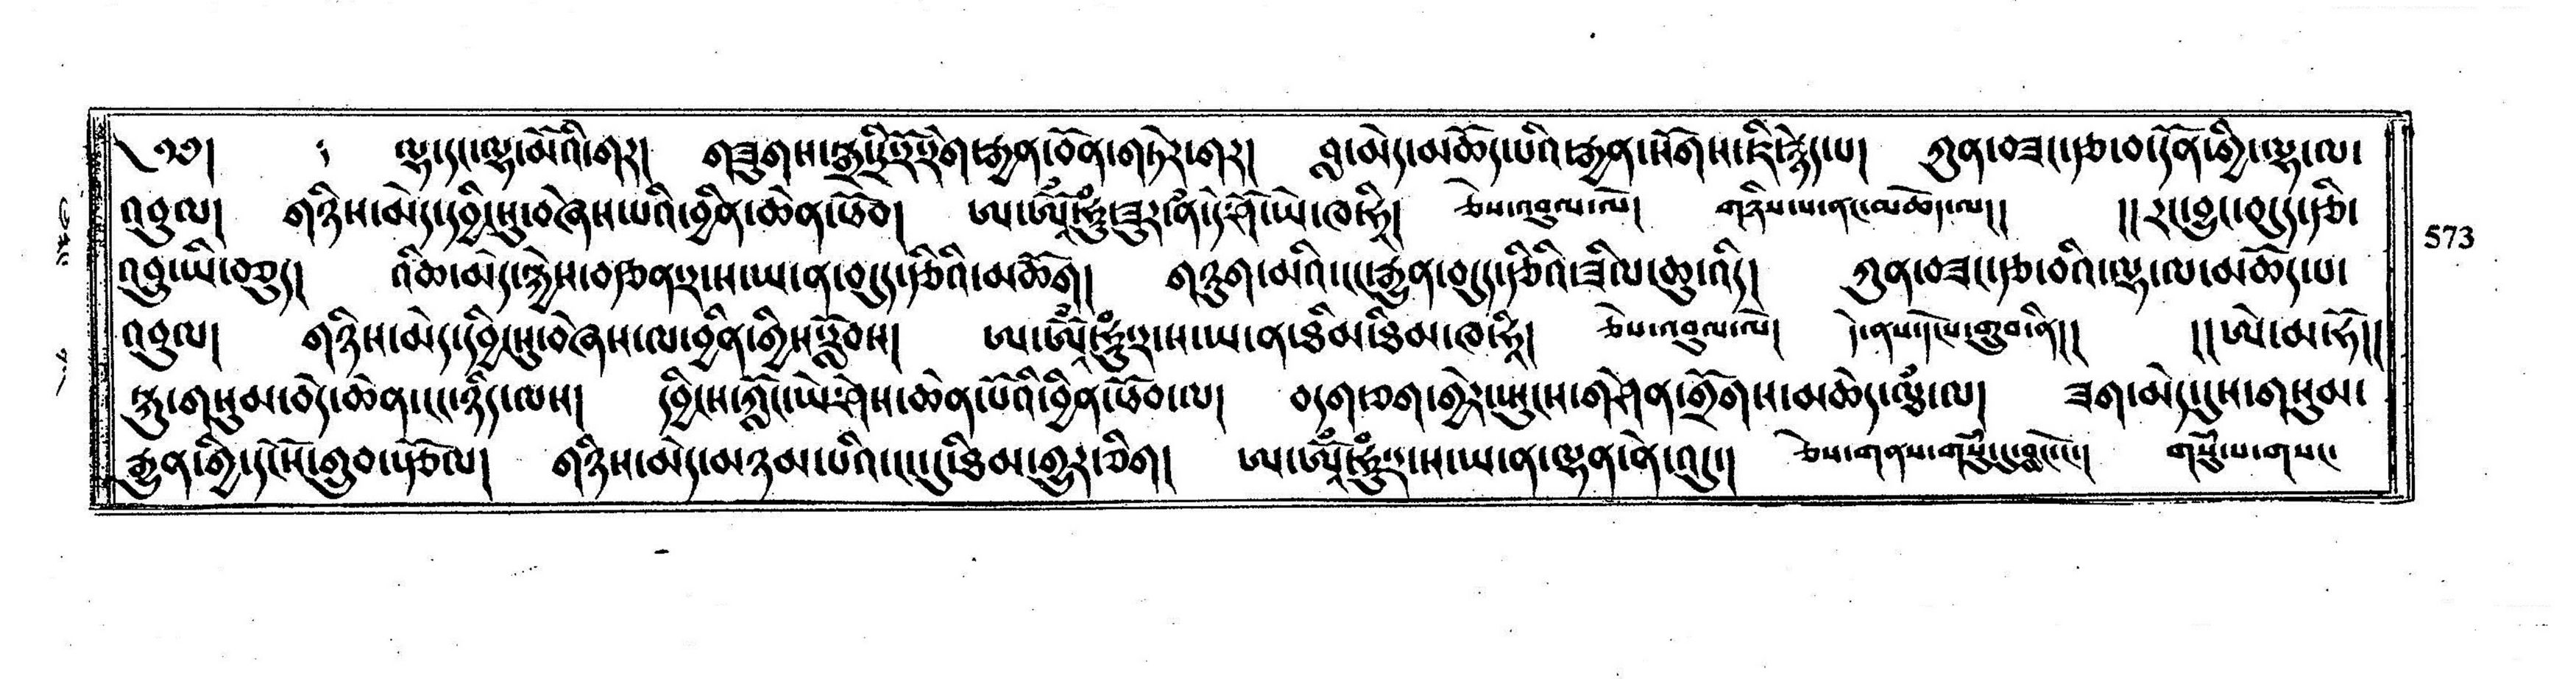ལྷ་དང་ལྷ་མོའི་གར། གཟུགས་སྒྲ་དྲི་རོ་རེག་རྒྱན་བོན་གཏེར་གར། བླ་མེད་མཆོད་པའི་རྒྱན་སོགས་ཇི་སྙེད་པ། ཀུན་བཟང་རྩ་བ་དོན་གྱི་ལྷ་ལ་
འབུལ། གཉིས་མེད་དབྱིངས་སུ་བཞེས་པའི་བྱིན་ཆེན་ཕོབ། ཨ་ཨཱོཾ་ཧཱུཾ་ཟུར་ནཾ་དེ་ཤོ་ཡེ་ཁ་ཧཱི། ཅེས་འབུལ་ལོ། གཉིས་པ་ནང་མཆོད་ལ། །།རང་བྱུང་བདུད་རྩི་
འབྲུ་ཡི་བཅུད། འཆི་མེད་སྐྱེས་བརྩན་ར་ས་ཡ་ན་བདུད་རྩིའི་མཆོག གཉུག་མའི་ངང་རྒྱུན་བདུད་རྩིའི་ཟིལ་ཆུ་འདི། ཀུན་བཟང་རྩ་བའི་ལྷ་ལ་མཆོད་པ་
འབུལ། གཉིས་མེད་དབྱིངས་སུ་བཞེས་ལ་བྱིན་གྱིས་རློབས། ཨ་ཨཱོཾ་ཧཱུཾ་ར་ས་ཡ་ན་ཐིམ་ཐིམ་ཁ་ཧཱི། ཅེས་འབུལ་ལོ།དེ་ནས་དངོས་གྲུབ་ནི།། །།ཨེ་མ་ཧོ།། 
སྐུ་གསུམ་བདེ་ཆེན་ངང་ཉིད་ལས། དབྱིངས་ཀློང་ཡེ་ཤེས་ཆེན་པོའི་བྱིན་ཕོབ་ལ། བདག་ཅག་གྱེར་སྤུངས་གཤེན་གྲོགས་མཆེད་ལྕམ་ལ། ཟག་མེད་དུས་གསུམ་
རྒྱུན་གྱི་དངོས་གྲུབ་སྩོལ། གཉིས་མེད་མཉམ་པའི་ངང་དུ་ཐིམ་གྱུར་ཅིག ཨ་ཨཱོཾ་ཧཱུཾ་ར་ས་ཡ་ན་ལྷན་ནེ་འདུ། ཅེས་གནས་གསུམ་དུ་བླང་ངོ་། གསུམ་པ་གསང་